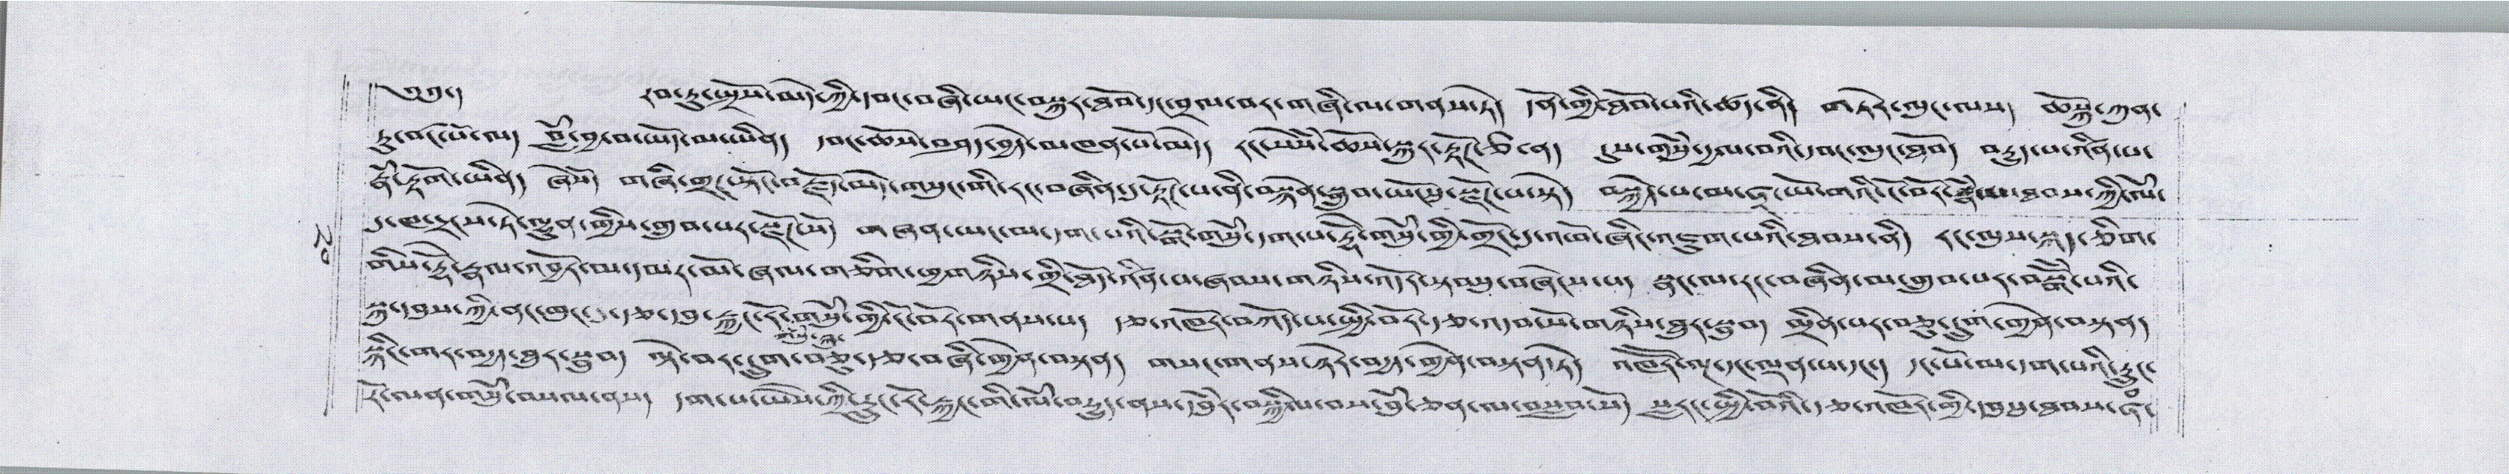རབ་ཏུ་སྤྲོས་མེད་ཀྱི་དབང་བཞི་ཡང་བསྐུར་ཐོབ་དང་བྲལ་བར་གཞི་ལ་གནས་ཏེ། དོན་གྱི་ཐོབ་པའི་ཚད་ནི། གཏེར་ལུང་ལས། ཆོས་སྐུ་ཀུན་
ཏུ་བཟང་པོ་ལ། བླ་མ་བྱ་བ་ཡོད་མ་ཡིན། དབང་ཆོས་བཤད་བྱེད་མཁན་པོ་མེད། རང་སེམས་ཆོས་སྐུར་རྟོགས་ཙ་ན། དུས་གསུམ་རྒྱལ་བའི་དབང་ལུང་ཐོབ། བརྒྱུད་པ་འཛིན་པ་
རྣམ་རྟོག་ཡིན། ཞེས་སོ། གཞི་གྲགས་སྟོང་བརྗོད་མེད་གསུང་གི་རང་བཞིན་དུ་རྟོགས་པ་ནི་བསྙེན་སྒྲུབ་ཡོངས་སུ་རྫོགས་པ་སྟེ། བསྐྱེད་པ་མ་ཧཱ་ཡོ་གའི་ངོ་བོར་རྣམ་པ་ཐབས་ཀྱི་ལམ་
དུ་ཁ་དྲངས་ཏེ་ལྷུན་གྱིས་གྲུབ་པར་རྫོགས་སོ། གཞན་ཡང་མ་དག་པའི་སྒོ་གསུམ་དག་པ་རྡོ་རྗེ་གསུམ་གྱི་གྲོང་དུ་འཕོ་ཞིང་འཇུག་པའི་ཐབས་ནི། རང་ལུས་སྐད་ཅིག་
གིས་རྡོ་རྗེ་རྣལ་འབྱོར་མ་དམར་མོ་ཞལ་གཅིག་ཕྱག་གཉིས་གྲི་ཐོད་འཛིན་པ་ཞབས་གཉིས་འདོར་སྟབས་སུ་བཞེངས་པ། སྣང་ལ་རང་བཞིན་མ་གྲུབ་པར་བསྒོམ་པའི་
སྐུ་དབུས་ཀྱི་ནང་ཁུང་དུ་རྩ་དབུ་རྐྱང་རོ་གསུམ་སྐུ་གསུམ་གྱི་ངོ་བོར་གནས་པ། རྩ་འཁོར་བཀོད་པ་སྤྱི་བོར་རྩ་འདབས་སོ་གཉིས་ཐུར་སྦུབ། མགྲིན་པར་བཅུ་དྲུག་གྱེན་བསྟན། 
སྙིང་གར་བརྒྱད་ཐུར་སྦུབ། ལྟེ་བར་དྲུག་བཅུ་རྩ་བཞི་གྱེན་བསྟན། གསང་གནས་ཉེར་བརྒྱད་གྱེན་བསྟན་ཏེ། འཁོར་ལོ་ལྔ་དང་ལྡན་པ་དང། དང་པོ་མ་དག་པའི་རླུང་
རོ་ལན་གསུམ་བསལ་ནས། དག་པ་ཡེ་ཤེས་ཀྱི་རླུང་རོ་རྐྱང་གི་ལམ་བརྒྱུད་ནས་དབུ་མར་བསྐྱིལ་བས་བུམ་ཅན་ལ་བསླབ་སོ། སླར་ཡང་སྤྱི་བོའི་རྩ་འཁོར་གྱི་དབུས་སུ་ཐབས་ཧཾ་